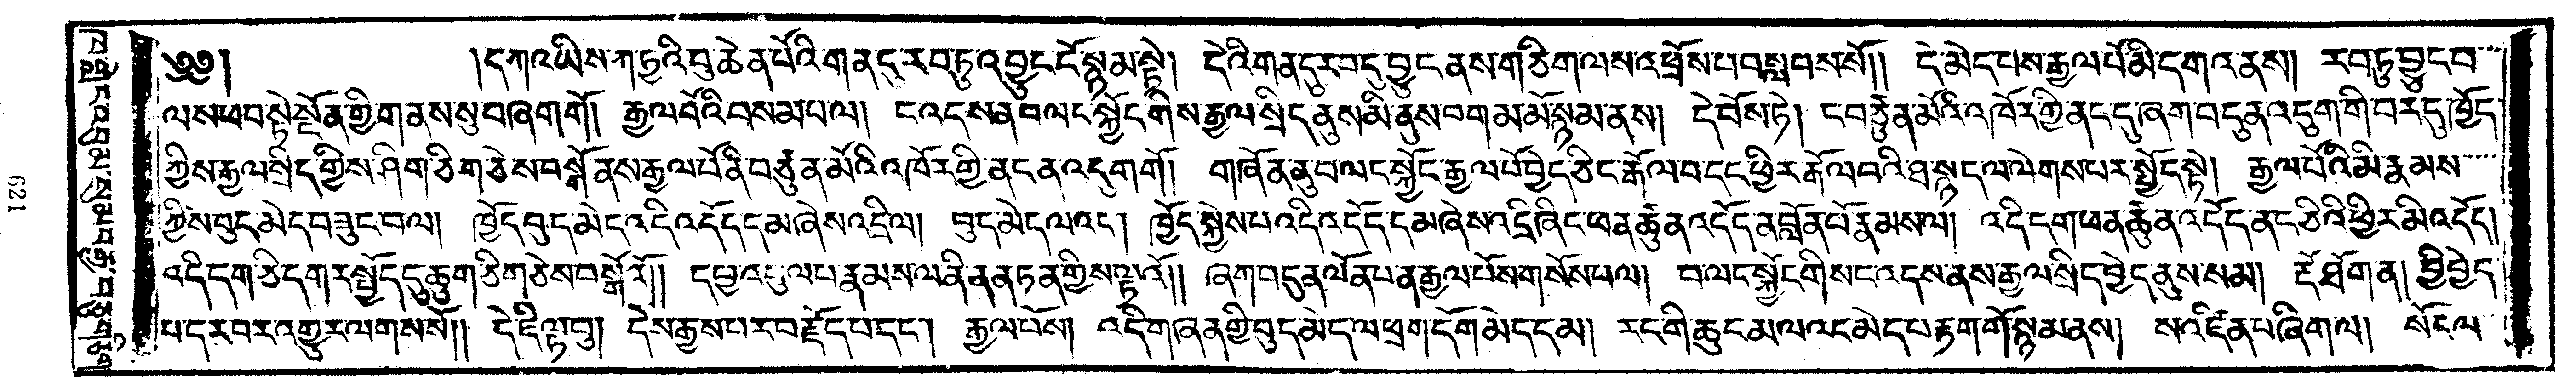༄༅། །དཀའ་ཡིས་ཀ་ཏྱའི་བུ་ཆེན་པོའི་གན་དུ་རབ་ཏུ་འབྱུང་ངོ་སྙམ་སྟེ། དེའི་གན་དུ་རབ་དུ་བྱུང་ནས་གཅིག་ལས་འཕྲོས་པ་བསླབས་སོ།། དེ་མེད་པས་རྒྱལ་པོ་མི་དགའ་ནས། རབ་ཏུ་བྱུང་བ་
ལས་ཕབ་སྟེ་སྔོན་གྱི་གནས་སུ་བཞག་གོ། རྒྱལ་བོའི་བསམ་པ་ལ། ང་འདས་ན་བ་ལང་སྐྱོང་གིས་རྒྱལ་སྲིད་ནུས་མི་ནུས་བགམ་མོ་སྙམ་ནས། དེ་བོས་ཏེ། ང་བཙུན་མོའི་འཁོར་གྱི་ནང་དུ་ཞག་བདུན་འདུག་གི་བར་དུ་ཁྱོད་
ཀྱིས་རྒྱལ་སྲིད་ཀྱིས་ཤིག་ཅིག་ཅེས་བསྒོ་ནས་རྒྱལ་པོ་ནི་བཙུན་མོའི་འཁོར་གྱི་ནང་ན་འདུག་གོ། གཞོན་ནུ་པ་ལང་སྐྱོང་རྒྱལ་པོ་བྱེད་ཅིང་རྒོལ་བ་དང་ཕྱིར་རྒོལ་བའི་ཐ་སྙད་ལ་ལེགས་པར་སྤྱོད་སྟེ། རྒྱལ་པོའི་མི་རྣམས་
ཀྱིས་བུད་མེད་བཟུང་བ་ལ། ཁྱོད་བུད་མེད་འདི་འདོད་དམ་ཞེས་འདྲི་ལ། བུད་མེད་ལའང་། ཁྱོད་སྐྱེས་པ་འདི་འདོད་དམ་ཞེས་འདྲི་ཞིང་ཕན་ཚུན་འདོད་ན་བློན་པོ་རྣམས་ལ། འདི་དག་ཕན་ཚུན་འདོད་ནང་ཅིའི་ཕྱིར་མི་འདོད།
འདི་དག་ཅི་དགར་སྤྱོད་དུ་ཆུ་ཅིག་ཅེས་བསྒོའོ།། དཔྱ་འབུལ་པ་རྣམས་ལ་ནི་ནན་ཏན་གྱིས་ལྟའོ།། ཞག་བདུན་ལོན་པ་ན་རྒྱལ་པོས་གསོས་པ་ལ། བ་ལང་སྐྱོང་གི་སང་འདས་ནས་རྒྱལ་སྲིད་བྱེད་ནུས་སམ། རྡོ་ཐོག་ན། བྱི་བྱེད་
པ་དར་བར་འགྱུར་ལགས་སོ།། དེ་ཇི་ལྟ་བུ། དེས་རྒྱས་པར་བརྗོད་པ་དང་། རྒྱལ་པོས། འདི་གཞན་གྱི་བུད་མེད་ལ་ཕྲག་དོག་མེད་དམ། རང་གི་ཆུང་མ་ལའང་མེད་བརྟག་གོ་སྙམ་ནས། ས་འཛིན་པ་ཞིག་ལ། སོང་ལ་